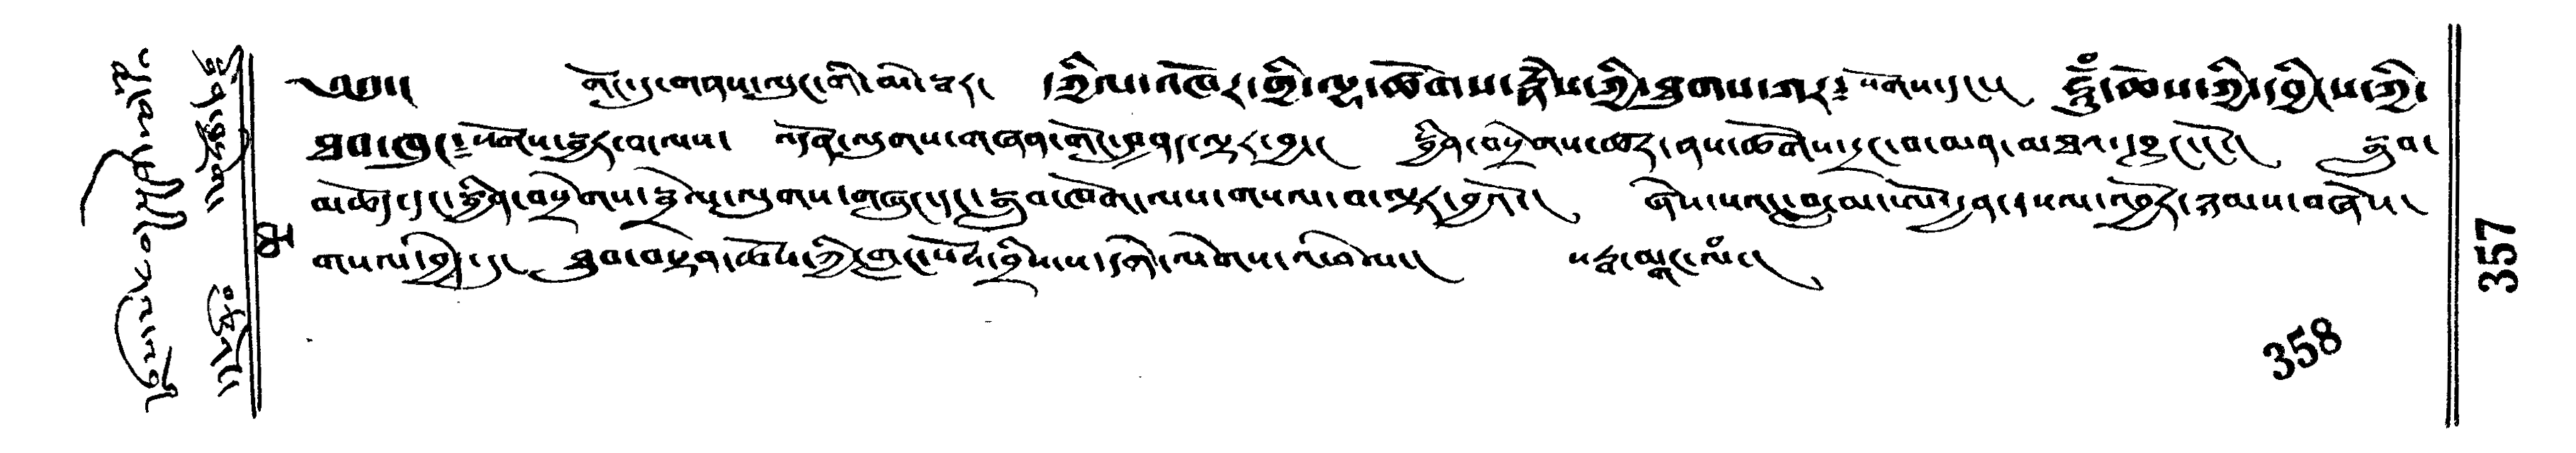གོང་དུ་གནས་ལུགས་ཀྱི་མེ་སྦར། དཀྱིལ་འཁོར་གྱི་ལྷ་ཚོགས་རྣམས་ཀྱི་ཐུགས་ཀར༴ སོགས་དང་། ཧཱུྃ། ཆོས་ཀྱི་དབྱིངས་ཀྱི་
ཐབ་ཁུང༴ སོགས་སྦྱོར་བ་ལས། འདོན་ལུགས་གཞན་གོང་དུ་བཤད་པ་ལྟར་བྱ། སྦྱིན་སྲེག་ཚར་ནས་ཚོགས་དྲང་བ་མན་མཐའ་དབྱུང་ངོ་། སྒྲུབ་
མཆོད་དང་སྦྱིན་སྲེག་སྦྲེལ་ལུགས་གཞུང་དང་སྒྲུབ་ཁོག་ལས་གསལ་བ་ལྟར་བྱའོ།། ཞེས་པའང་བླ་མ་ཨོ་རྒྱན་དཔལ་འབྱོར་གྱི་ཉམས་བཞེས་
གསལ་བྱེད་དུ། ཐུབ་བསྟན་ཆོས་ཀྱི་གླང་པོས་བྲིས་པ་དགེ་ལེགས་འཕེལ།། སརྦ་མངྒ་ལཾ།།